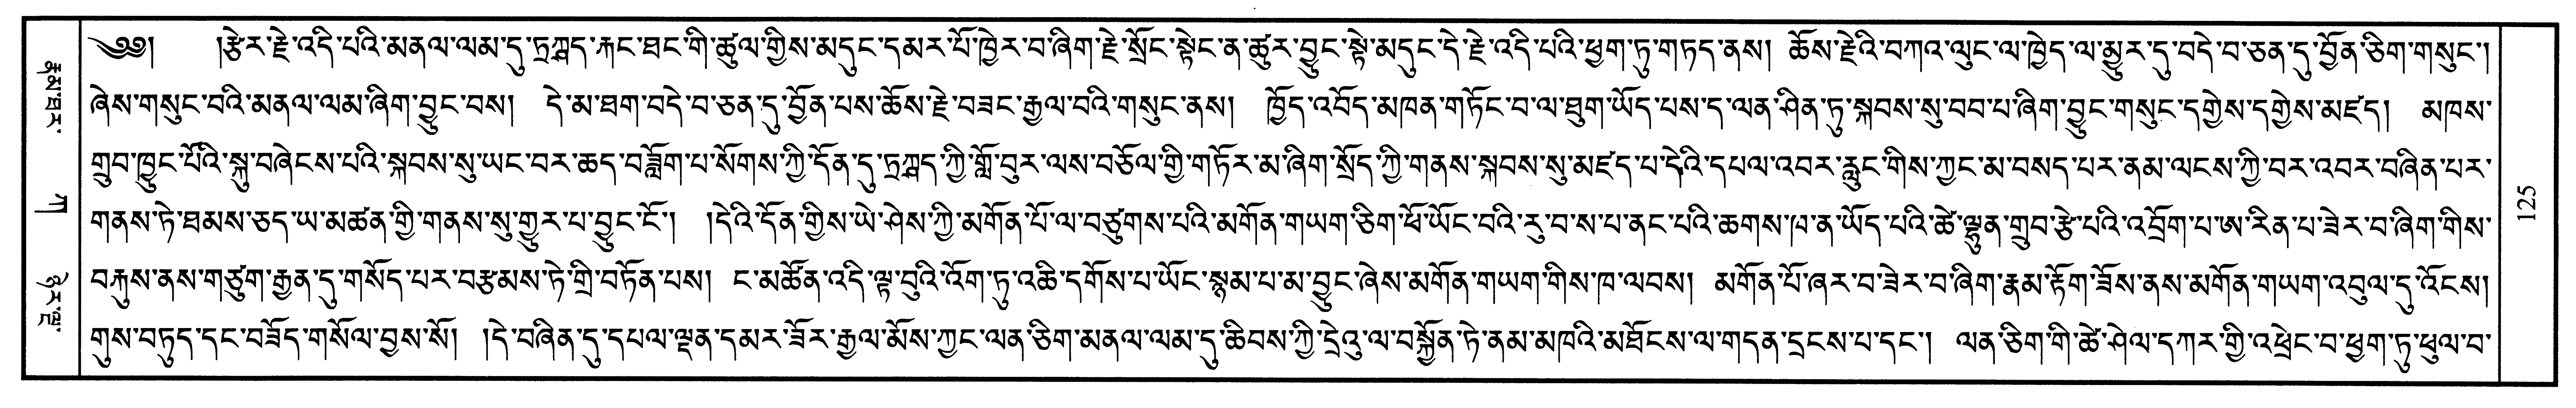༄༅། །རྩེར་རྗེ་འདི་པའི་མནལ་ལམ་དུ་ཏྲཀྴད་རྐང་ཐང་གི་ཚུལ་གྱིས་མདུང་དམར་པོ་ཁྱེར་བ་ཞིག་རྗེ་སྲོང་སྟེང་ན་ཚུར་བྱུང་སྟེ་མདུང་དེ་རྗེ་འདི་པའི་ཕྱག་ཏུ་གཏད་ནས། ཆོས་རྗེའི་བཀའ་ལུང་ལ་ཁྱེད་ལ་མྱུར་དུ་བདེ་བ་ཅན་དུ་བྱོན་ཅིག་གསུང་།
ཞེས་གསུང་བའི་མནལ་ལམ་ཞིག་བྱུང་བས། དེ་མ་ཐག་བདེ་བ་ཅན་དུ་བྱོན་པས་ཆོས་རྗེ་བཟང་རྒྱལ་བའི་གསུང་ནས། ཁྱོད་འབོད་མཁན་གཏོང་བ་ལ་ཐུག་ཡོད་པས་ད་ལན་ཤིན་ཏུ་སྐབས་སུ་བབ་པ་ཞིག་བྱུང་གསུང་དགྱེས་དགྱེས་མཛད། མཁས་
གྲུབ་ཁྱུང་པོའི་སྐུ་བཞེངས་པའི་སྐབས་སུ་ཡང་བར་ཆད་བཟློག་པ་སོགས་ཀྱི་དོན་དུ་ཏྲཀྴད་ཀྱི་གློ་བུར་ལས་བཅོལ་གྱི་གཏོར་མ་ཞིག་སྲོད་ཀྱི་གནས་སྐབས་སུ་མཛད་པ་དེའི་དཔལ་འབར་རླུང་གིས་ཀྱང་མ་བསད་པར་ནམ་ལངས་ཀྱི་བར་འབར་བཞིན་པར་
གནས་ཏེ་ཐམས་ཅད་ཡ་མཚན་གྱི་གནས་སུ་གྱུར་པ་བྱུང་ངོ། །དེའི་དོན་གྱིས་ཡེ་ཤེས་ཀྱི་མགོན་པོ་ལ་བཙུགས་པའི་མགོན་གཡག་ཅིག་ཕོ་ཡོང་བའི་རུ་བ་ས་པ་ནང་པའི་ཆགས་ཁ་ན་ཡོད་པའི་ཚེ་ལྷུན་གྲུབ་རྩེ་པའི་འབྲོག་པ་ཨ་རིན་པ་ཟེར་བ་ཞིག་གིས་
བརྐུས་ནས་གཙུག་རྒྱན་དུ་གསོད་པར་བརྩམས་ཏེ་གྲི་བཏོན་པས། ང་མཚོན་འདི་ལྟ་བུའི་འོག་ཏུ་འཆི་དགོས་པ་ཡོང་སྙམ་པ་མ་བྱུང་ཞེས་མགོན་གཡག་གིས་ཁ་ལབས། མགོན་པོ་ཞར་བ་ཟེར་བ་ཞིག་རྣམ་རྟོག་ཟོས་ནས་མགོན་གཡག་འབུལ་དུ་འོངས།
གུས་བཏུད་དང་བཟོད་གསོལ་བྱས་སོ། །དེ་བཞིན་དུ་དཔལ་ལྡན་དམར་ཟོར་རྒྱལ་མོས་ཀྱང་ལན་ཅིག་མནལ་ལམ་དུ་ཆིབས་ཀྱི་དྲེའུ་ལ་བསྐྱོན་ཏེ་ནམ་མཁའི་མཐོངས་ལ་གདན་དྲངས་པ་དང་། ལན་ཅིག་གི་ཚེ་ཤེལ་དཀར་གྱི་འཕྲེང་བ་ཕྱག་ཏུ་ཕུལ་བ་